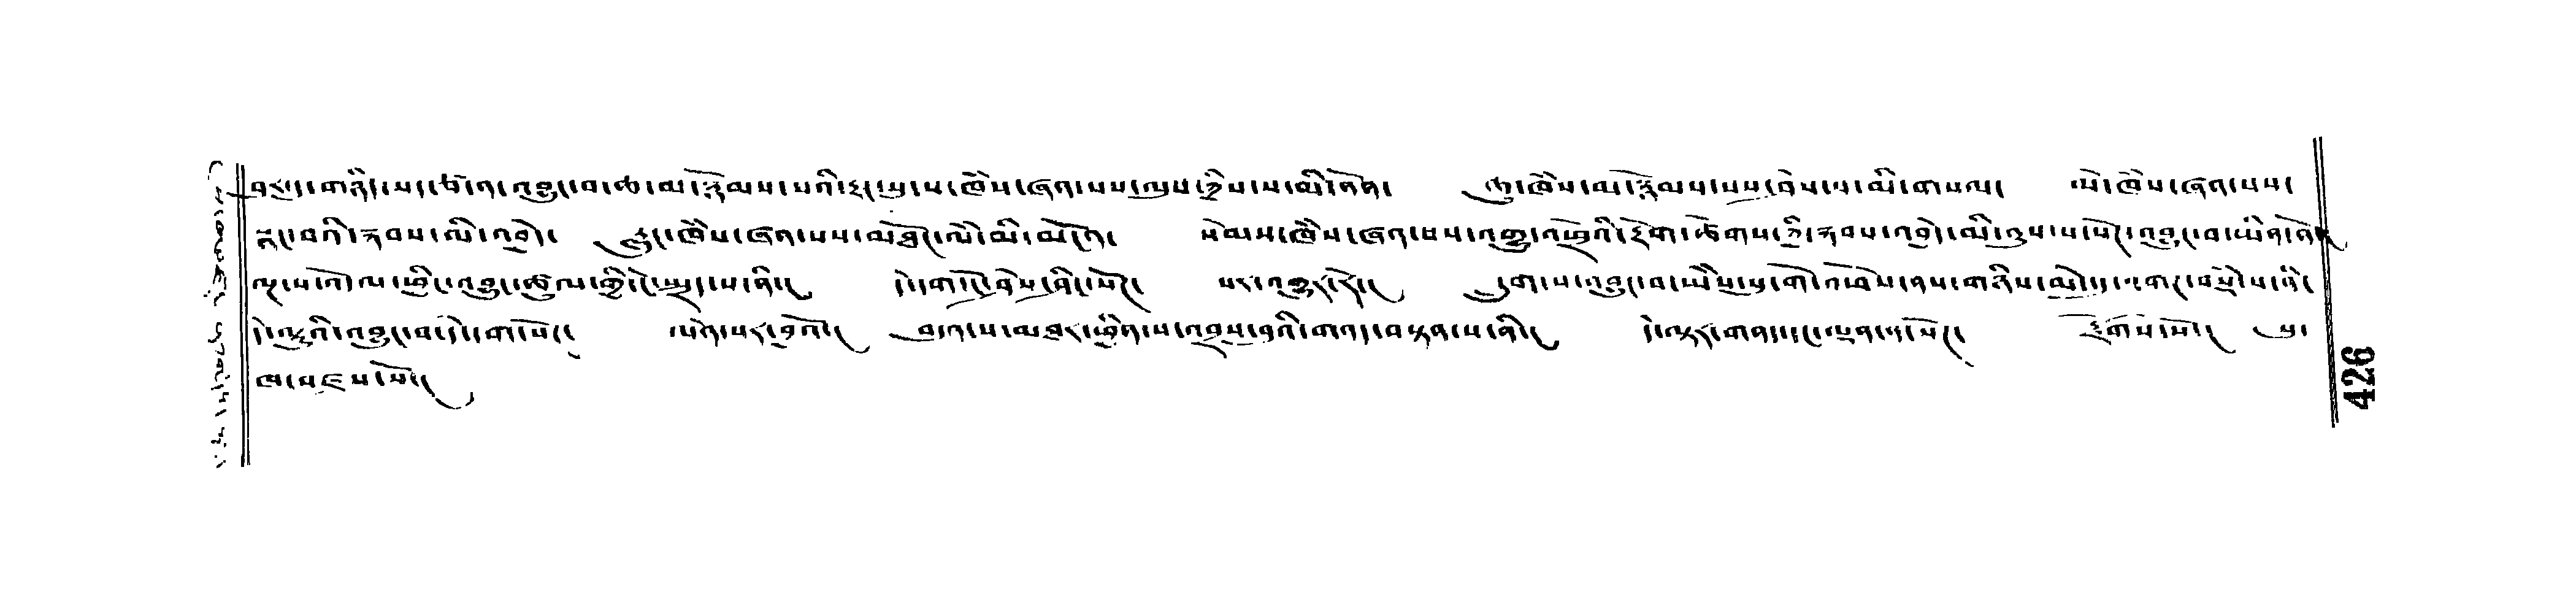བུར་དུ་གཉིད་སད་ཙ་ན་འབྱུང་བ་ཆ་མ་སྙོམས་པའི་རྟགས་སུ་ས་ཁམས་ཞན་པས་ལུས་ཀྱིས་ས་མི་ནོན། ཆུ་ཁམས་མ་སྙོམས་པས་ཤེས་པ་མི་གསལ། །མེ་ཁམས་ཞན་པས་
སྣང་བའི་སྐབས་མི་འབྱེད། །རླུང་ཁམས་ཞན་པས་མཐོང་ལམ་མི་མངོན། །སེམས་ཁམས་ཞན་པས་འགྱུ་འཕྲོའི་རྟོག་ཚོགས་ཀྱི་སྐབས་འབྱེད་མི་ནུས་པ་སོགས་འབྱུང་བ་ཡིན་ནོ།། 
ལྔ་པ་འོད་གསལ་ཕྱི་ནང་འབྱུང་ཚུལ་གྱི་ངོ་སྤྲད་པ་ནི། དེ་དག་ངོ་ཤེས་ཤིང་སོགས། པར་འགྱུར་རོ། དྲུག་པ་འབྱུང་བ་ཡེ་ཤེས་སུ་གོ འཕོས་ནས་གཉིས་མེད་དུ་འགག་བསྡམས་པ་ནི་
དེ་ལྟ་བུའི་འབྱུང་བ་དེ་དག་སོགས། ལེན་པར་བྱའོ། བདུན་པ་མཐར་ཕྱིན་པ་འབྲས་བུའི་གནད་བསྟན་པ་ནི།དེ་ལྟར་གནད་དང་ལྡན་ན་སོགས། རྫོགས་སོ།། སུ་
ཁ་བཛྲས་སོ།